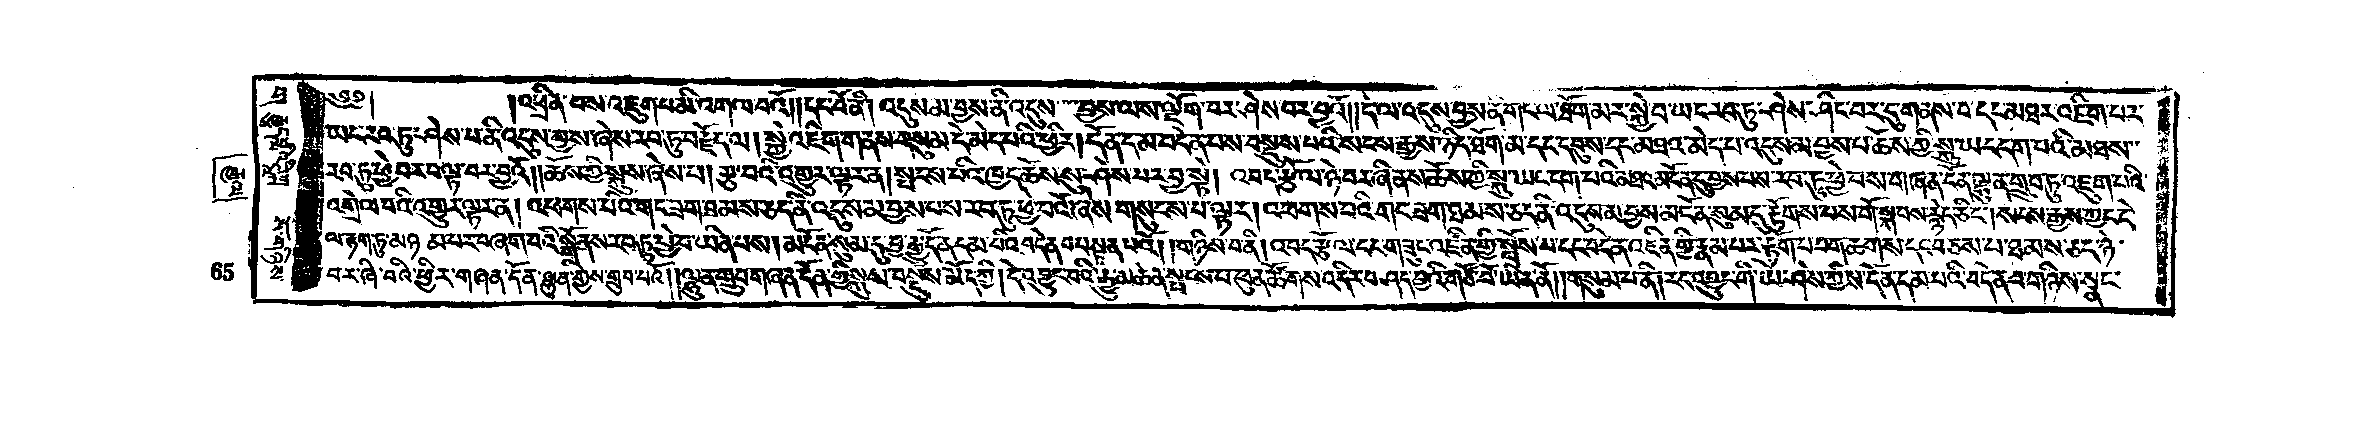༄༅། །འཕྲིན་པས་འཇུག་པ་མི་འགལ་བའོ། །དང་པོ་ནི། འདུས་མ་བྱས་ནི་འདུས་བྱས་ལས་ལྡོག་པར་ཤེས་པར་བྱའོ། །དེ་ལ་འདུས་བྱས་ནི་གང་ལ་ཐོག་མར་སྐྱེ་བ་ཡང་རབ་ཏུ་ཤེས་ཤིང་བར་དུ་གནས་པ་དང་མཐར་འཇིག་པར་
ཡང་རབ་ཏུ་ཤེས་པ་ནི་འདུས་བྱས་ཞེས་རབ་ཏུ་བརྗོད་ལ། སྐྱེ་འཇིག་གནས་གསུམ་དེ་མེད་པའི་ཕྱིར། དོན་དམ་བདེན་པས་བསྡུས་པའི་སངས་རྒྱས་ཉིད་ཐོག་མ་དང་དབུས་དང་མཐའ་མེད་པ་འདུས་མ་བྱས་པ་ཆོས་ཀྱི་སྐུ་ཡང་དག་པའི་མཐས་
རབ་ཏུ་ཕྱེ་བར་བལྟ་བར་བྱའོ། །ཆོས་ཀྱི་སྐུས་ཞེས་པ། རྩ་བའི་འགྱུར་ལྟར་ན། སྤངས་པའི་ཁྱད་ཆོས་སུ་ཤེས་པར་བྱ་སྟེ། འབད་རྩོལ་ཉེ་བར་ཞི་ནས་ཆོས་ཀྱི་སྐུ་ཡང་དག་པའི་མཐའ་མངོན་དུ་བྱས་པས་རབ་ཏུ་ཕྱེ་བས་གཞན་དོན་ལྷུན་གྲུབ་ཏུ་འཇུག་པའི་
འགྲེལ་བའི་འགྱུར་ལྟར་ན། འཕགས་པའི་གང་ཟག་ཐམས་ཅད་ནི་འདུས་མ་བྱས་པས་རབ་ཏུ་ཕྱེ་བའོ་ཞེས་གསུངས་པ་ལྟར། འཕགས་པའི་གང་ཟག་ཐམས་ཅད་ནི་འདུས་མ་བྱས་མངོན་སུམ་དུ་རྟོགས་པས་གོ་སྐབས་རྙེད་ཅིང་། སངས་རྒྱས་ཀྱང་དེ་
ལ་རྟག་ཏུ་མཉམ་པར་བཞག་པའི་སྒོ་ནས་རབ་ཏུ་ཕྱེ་བ་ཡིན་པས། མངོན་སུམ་དུ་བྱ་རྒྱུ་དོན་དམ་པའི་བདེན་པ་བསྟན་པའོ། །གཉིས་པ་ནི། འབད་རྩོལ་དང་གཟུང་འཛིན་གྱི་སྤྲོས་པ་དང་བདེན་འཛིན་གྱི་རྣམ་པར་རྟོག་པ་བག་ཆགས་དང་བཅས་པ་ཐམས་ཅད་ཉེ་
བར་ཞི་བའི་ཕྱིར་གཞན་དོན་ལྷུན་གྱིས་གྲུབ་པའོ། །ལྷུན་གྲུབ་གཞན་དོན་གྱི་སྐུས་བསྡུས་མོད་ཀྱི། དེ་འབྱུང་བའི་རྒྱུ་མཚན་སྤངས་པ་ཕུན་ཚོགས་འདིར་བཤད་བྱའི་གཙོ་བོ་ཡིན་ནོ། །གསུམ་པ་ནི། རང་འབྱུང་གི་ཡེ་ཤེས་ཀྱིས་དོན་དམ་པའི་བདེན་པ་གཉིས་སྣང་